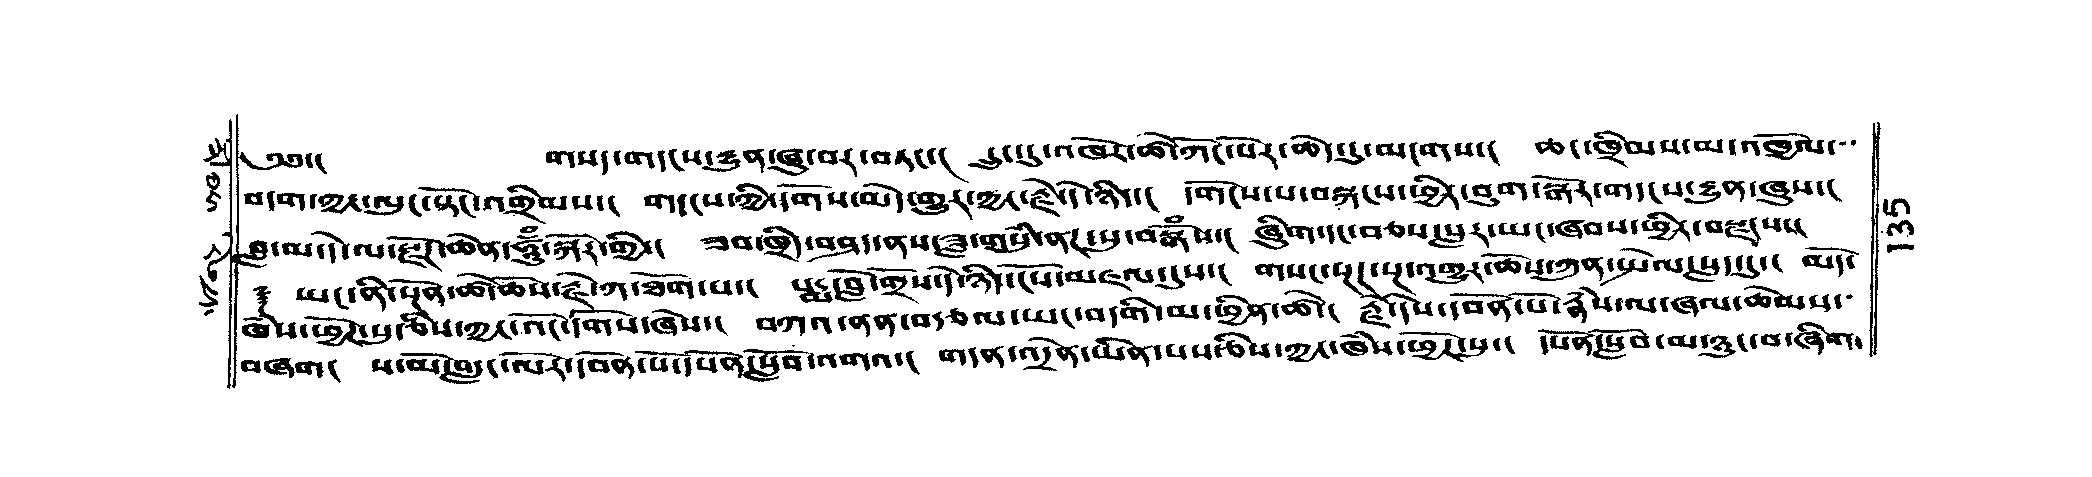གསད་གདངས་རྒྱུན་ཞུ་བར་བཏང་། །དྲུང་དུ་འཁོར་ཚེ་ཀོང་པོར་ཆེད་དུ་མངགས། །ཆང་ཁྲིམས་མ་འཁྱོལ་
བདག་ཀྱང་ལུང་སྟོང་འགྲིམས། །གདངས་ཀྱི་དགོས་མེད་གྱུར་ཀྱང་རྗེ་དེ་ཉིད། །དགོངས་པ་བསྐང་ཕྱིར་བུག་སྒོར་གདངས་རྒྱུན་ཞུས། །
བླ་མ་དེ་ལ་རྫོགས་ཆེན་ཧཱུྃ་སྐོར་གྱི། །ཟབ་ཁྲིད་བཤད་ནས་ཟླ་གསུམ་ནགས་སུ་བསྒོམས། །ཞུ་ཡིག་དང་བཅས་སླར་ཡང་ཞབས་ཕྱི་བརྫངས། །
ཡང་ནི་སྔོན་ཚེ་ཆོས་རྗེ་ཀཿཐོག་པ། །པདྨ་བློ་གྲོས་དེ་ཉིད་དངོས་མཇལ་དུས། །གསང་སྔགས་སྔ་འགྱུར་ཆོས་ཀུན་སྤེལ་སླད་དུ། །མདོ་
ཁམས་ཕྱོགས་སུ་ཅིས་ཀྱང་འོང་དགོས་ཞེས། །བཀའ་ནན་བརྩལ་ཡང་བདག་གི་མ་ཕྱིན་ཚེ། །རྗེ་དེས་དབོན་པོ་རྣམས་ལ་ཞལ་ཆེམས་
བཞག།ས་མོ་གླང་ལོར་དབོན་པོ་དཔོན་སློབ་འགའ། །གདན་འདྲེན་ཡིན་པས་ཅིས་ཀྱང་ཁམས་ཕྱོགས་སུ། །དཔོན་སློབ་མ་ཉུང་བ་ཞིག་